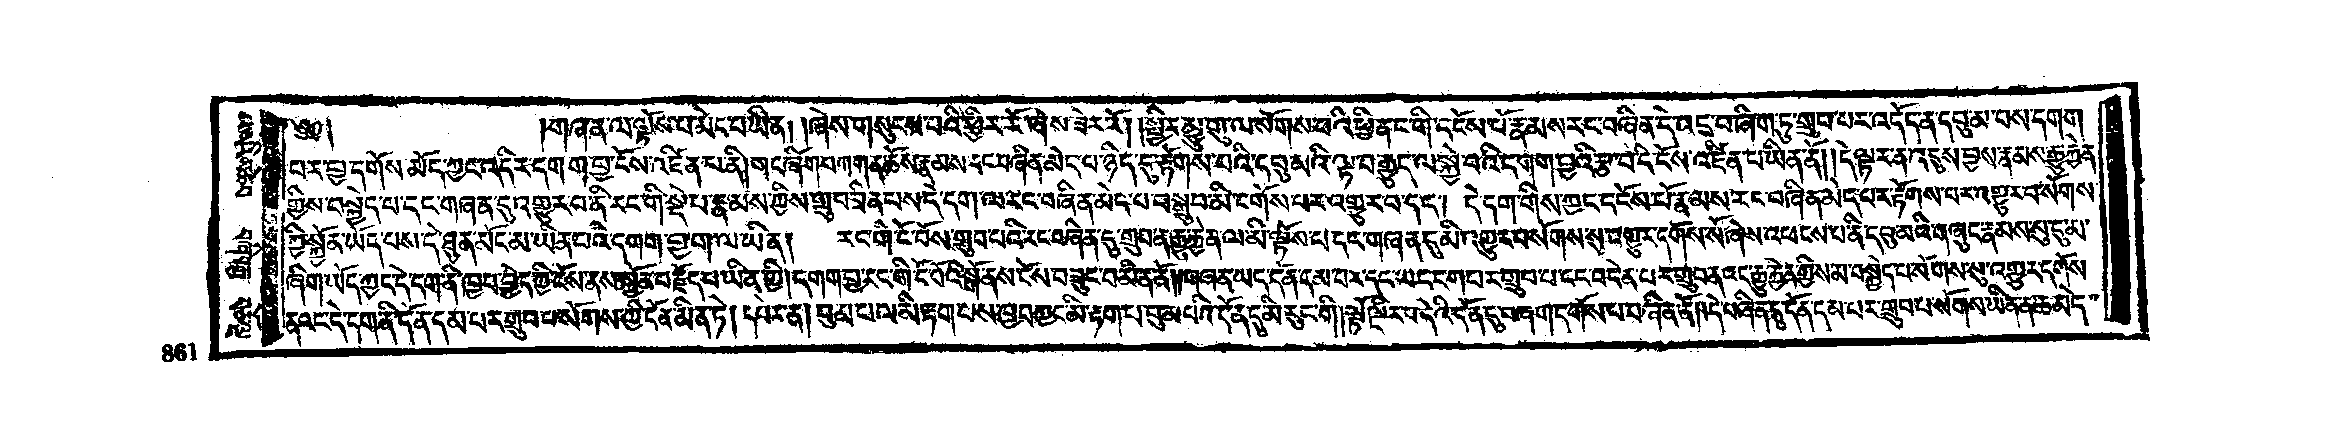༄༅། །གཞན་ལ་ལྟོས་པ་མེད་པ་ཡིན། །ཞེས་གསུངས་པའི་ཕྱིར་རོ་ཞེས་ཟེར་རོ། །སྤྱིར་མྱུ་གུ་ལ་སོགས་པའི་ཕྱི་ནང་གི་དངོས་པོ་རྣམས་རང་བཞིན་དེ་འདྲ་བ་ཞིག་ཏུ་གྲུབ་པར་འདོད་ན་དབུ་མ་པས་དགག་
པར་བྱ་དགོས་མོད་ཀྱང་འདིར་དགག་བྱ་ངོས་འཛིན་པ་ནི། གང་ཞིག་བཀག་ན་ཆོས་རྣམས་རང་བཞིན་མེད་པ་ཉིད་དུ་རྟོགས་པའི་དབུ་མའི་ལྟ་བ་རྒྱུད་ལ་སྐྱེ་བའི་དགག་བྱའི་རྩ་བ་དེ་ངོས་འཛིན་པ་ཡིན་ནོ། །དེ་ལྟར་ན་འདུས་བྱས་རྣམས་རྒྱུ་རྐྱེན་
གྱིས་བསྐྱེད་པ་དང་གཞན་དུ་འགྱུར་བ་ནི་རང་གི་སྡེ་པ་རྣམས་ཀྱིས་གྲུབ་ཟིན་པས་དེ་དག་ལ་རང་བཞིན་མེད་པ་བསྒྲུབ་མི་དགོས་པར་འགྱུར་བ་དང་། དེ་དག་གིས་ཀྱང་དངོས་པོ་རྣམས་རང་བཞིན་མེད་པར་རྟོགས་པར་འགྱུར་བ་སོགས་
ཀྱི་སྐྱོན་ཡོད་པས་དེ་ཐུན་མོང་མ་ཡིན་པའི་དགག་བྱ་ག་ལ་ཡིན། རང་གི་ངོ་བོས་གྲུབ་པའི་རང་བཞིན་དུ་གྲུབ་ན་རྒྱུ་རྐྱེན་ལ་མི་ལྟོས་པ་དང་གཞན་དུ་མི་འགྱུར་བ་སོགས་སུ་འགྱུར་དགོས་སོ་ཞེས་འཕངས་པ་ནི་དབུ་མའི་གཞུང་རྣམས་སུ་དུ་མ་
ཞིག་ཡོད་ཀྱང་དེ་དག་ནི་ཁྱབ་བྱེད་ཀྱི་ངོས་ནས་སྐྱོན་བརྗོད་པ་ཡིན་གྱི། དགག་བྱ་རང་གི་ངོ་བོའི་སྒོ་ནས་ངོས་བཟུང་བ་མིན་ནོ། །གཞན་ཡང་དོན་དམ་པར་དང་ཡང་དག་པར་གྲུབ་པ་དང་བདེན་པར་གྲུབ་ནའང་རྒྱུ་རྐྱེན་གྱིས་མ་བསྐྱེད་པ་སོགས་སུ་འགྱུར་དགོས་
ནའང་དེ་དག་ནི་དོན་དམ་པར་གྲུབ་པ་སོགས་ཀྱི་དོན་མིན་ཏེ། དཔེར་ན། བུམ་པ་ལ་མི་རྟག་པས་ཁྱབ་ཀྱང་མི་རྟག་པ་བུམ་པའི་དོན་དུ་མི་རུང་གི། ལྟོ་ལྡིར་པ་དེའི་དོན་དུ་བཞག་དགོས་པ་བཞིན་ནོ། །དེ་བཞིན་དུ་དོན་དམ་པར་གྲུབ་པ་སོགས་ཡིན་ན་ཆ་མེད་